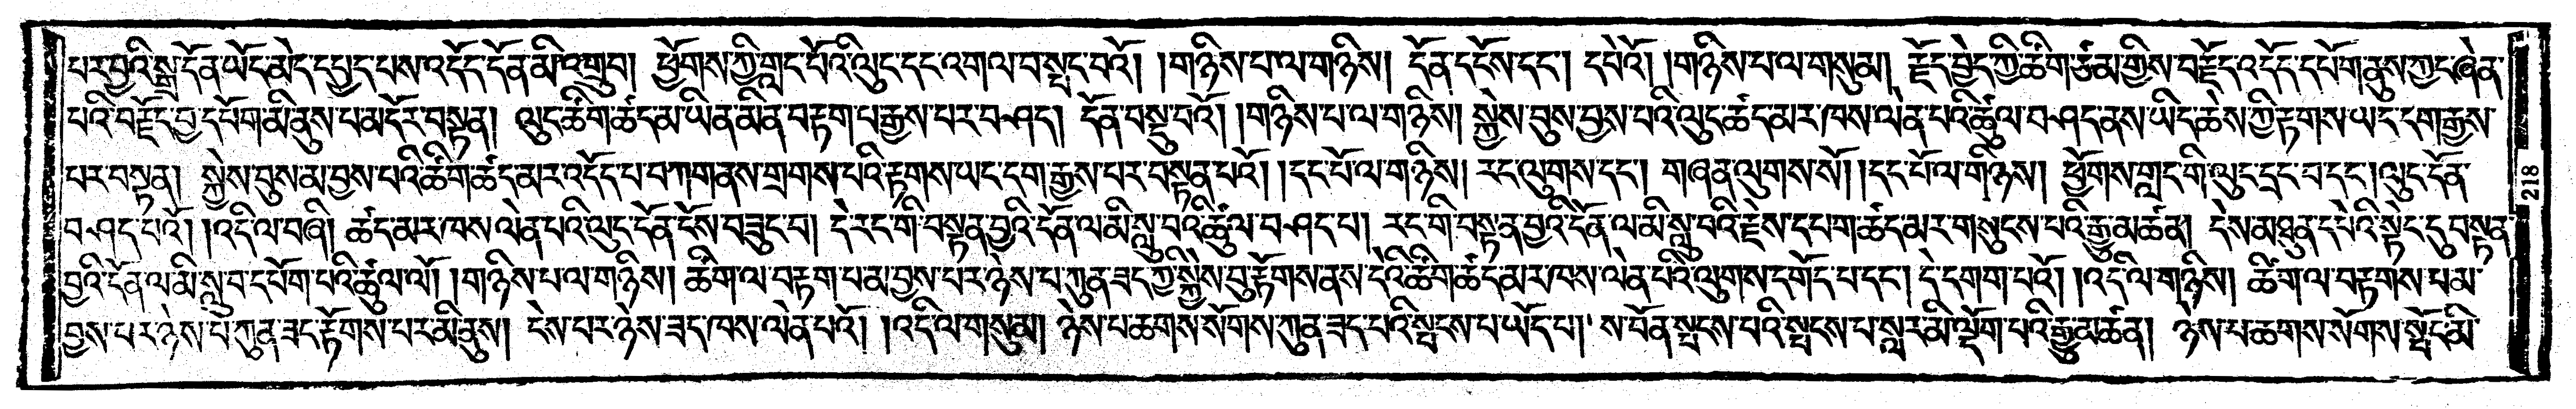པར་བྱའི་སྒྲ་དོན་ཡོད་མེད་དཔྱད་པས་འདོད་དོན་མི་འགྲུབ། ཕྱོགས་ཀྱི་གླང་པོའི་ལུང་དང་འགལ་བ་སྤང་བའོ། །གཉིས་པ་ལ་གཉིས། དོན་དངོས་དང་། དཔེའོ། །གཉིས་པ་ལ་གསུམ། རྗོད་བྱེད་ཀྱི་ཚིག་ཙམ་གྱིས་བརྗོད་འདོད་དཔོག་ནུས་ཀྱང་ཞེན་
པའི་བརྗོད་བྱ་དཔོག་མི་ནུས་པ་མདོར་བསྟན། ལུང་ཚིག་ཚད་མ་ཡིན་མིན་བརྟག་པ་རྒྱས་པར་བཤད། དོན་བསྡུ་བའོ། །གཉིས་པ་ལ་གཉིས། སྐྱེས་བུས་བྱས་པའི་ལུང་ཚད་མར་ཁས་ལེན་པའི་ཚུལ་བཤད་ནས་ཡིད་ཆེས་ཀྱི་རྟགས་ཡང་དག་རྒྱས་
པར་བསྟན། སྐྱེས་བུས་མ་བྱས་པའི་ཚིག་ཚད་མར་འདོད་པ་བཀག་ནས་གྲགས་པའི་རྟགས་ཡང་དག་རྒྱས་པར་བསྟན་པའོ། །དང་པོ་ལ་གཉིས། རང་ལུགས་དང་། གཞན་ལུགས་སོ། །དང་པོ་ལ་གཉིས། ཕྱོགས་གླང་གི་ལུང་དྲང་བ་དང་། ལུང་དོན་
བཤད་པའོ། །འདི་ལ་བཞི། ཚད་མར་ཁས་ལེན་པའི་ལུང་དོན་ངོས་བཟུང་བ། དེ་རང་གི་བསྟན་བྱའི་དོན་ལ་མི་སླུ་བའི་ཚུལ་བཤད་པ། རང་གི་བསྟན་བྱའི་དོན་ལ་མི་སླུ་བའི་རྗེས་དཔག་ཚད་མར་གསུངས་པའི་རྒྱུ་མཚན། དེས་མཐུན་དཔེའི་སྟེང་དུ་བསྟན་
བྱའི་དོན་ལ་མི་སླུ་བ་དཔོག་པའི་ཚུལ་ལོ། །གཉིས་པ་ལ་གཉིས། ཚིག་ལ་བརྟག་པ་མ་བྱས་པར་ཉེས་པ་ཀུན་ཟད་ཀྱི་སྐྱེས་བུ་རྟོགས་ནས་དེའི་ཚིག་ཚད་མར་ཁས་ལེན་པའི་ལུགས་དགོད་པ་དང་། དེ་དགག་པའོ། །འདི་ལ་གཉིས། ཚིག་ལ་བརྟགས་པ་མ་
བྱས་པར་ཉེས་པ་ཀུན་ཟང་རྟོགས་པར་མི་ནུས། ངེས་པར་ཉེས་ཟད་ཁས་ལེན་པའོ། །འདི་ལ་གསུམ། ཉེས་པ་ཆགས་སོགས་ཀུན་ཟད་པའི་སྤངས་པ་ཡོད་པ། ས་བོན་སྤངས་པའི་སྤངས་པ་སླར་མི་ལྡོག་པའི་རྒྱུ་མཚན། ཉེས་པ་ཆགས་སོགས་སྤོང་མི་